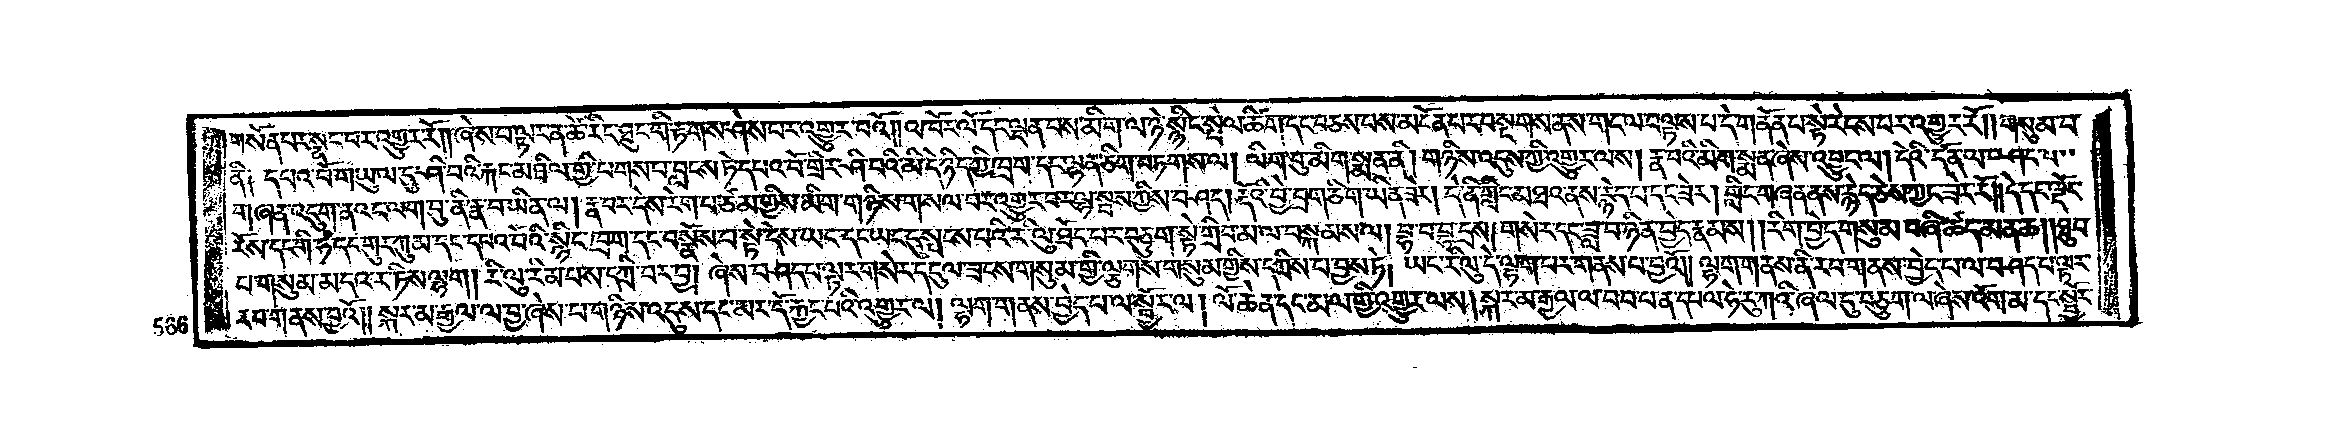གསོན་པར་སྣང་བར་འགྱུར་རོ། །ཞེས་པ་ལྟར་ན་ཚེ་རིང་ཐུང་གི་རྟགས་ཤེས་པར་འགྱུར་བའོ། །འཁོར་ལོ་དང་ལྡན་པས་མིག་ལ་ཉེ་སྙིང་སྤེལ་ཚིག་དང་བཅས་པས་མངོན་པར་བསྔགས་ནས་གང་ལ་བལྟས་པ་དེ་གནོན་པ་སྟེ་རེངས་པར་འགྱུར་རོ། །གསུམ་པ་
ནི། དཔའ་བོ་གཡུལ་དུ་ཤི་བའི་རྐང་མཐིལ་གྱི་པགས་པ་བླངས་ཏེ་དཔའ་བོ་གྲིར་ཤི་བའི་མི་དེ་ཉིད་ཀྱི་ཁྲག་དང་ལྷན་ཅིག་བཏགས་ལ། ལིག་བུ་མིག་སྨན་ནི། གཉིས་འདུས་ཀྱི་འགྱུར་ལས། རྣ་བའི་མིག་སྨན་ཞེས་འབྱུང་ལ། དེའི་དོན་ལ་བཤད་པ་
གཞན་འདུག་ནའང་ལིག་བུ་ནི་རྣ་བ་ཡིན་ལ། རྣ་བར་དེས་རེག་པ་ཙམ་གྱིས་མིག་གཉིས་གསལ་བར་འགྱུར་བར་ལྷ་སྦས་ཀྱིས་བཤད། རྡོའི་བྱེ་བྲག་ཅིག་ཡིན་ཟེར། དེ་ནི་གླིང་མཐའ་ནས་རྙེད་པ་དང་ཟེར། གླིང་གཞན་ནས་རྙེད་ཅེས་ཀྱང་ཟེར་རོ། །དེ་དང་ལྡོང་
རོས་དང་གི་ཧཾ་དང་གུར་ཀུམ་དང་དཔའ་བོའི་སྙིང་ཁྲག་དང་བསྣོས་པ་སྟེ་དེས་ཡང་དང་ཡང་དུ་སྤངས་པའི་རི་ལུ་ཐོང་བར་བཅུག་སྟེ་གྲིབ་མ་ལ་བསྐམས་ལ། བྷ་བ་བྷ་དྲས། གསེར་དང་ཟླ་བ་ཉིན་བྱེད་རྣམས། །རིག་བྱེད་གསུམ་བཞི་ཚད་མན་ཆ། །ཐུབ་
པ་གསུམ་མདའ་ར་ཏིས་ལྷག །རི་ལུ་རིམ་པས་དཀྲི་བར་བྱ། ཞེས་བཤད་པ་ལྟར་གསེར་དངུལ་ཟངས་གསུམ་གྱི་ལྕགས་གསུམ་གྱིས་དཀྲིས་པ་བྱས་ཏེ། ཡང་རི་ལུ་དེ་ལྷག་པར་གནས་པ་བྱའོ། །ལྷག་གནས་ནི་རབ་གནས་བྱེད་པ་ལ་བཤད་པ་ལྟར་
རབ་གནས་བྱའོ། །སྐར་མ་རྒྱལ་ལ་བྱ་ཞེས་པ་གཉིས་འདུས་དང་མར་དོ་རྐྱང་པའི་འགྱུར་ལ། ལྷག་གནས་བྱེད་པ་ལ་སྦྱོར་ལ། ལོ་ཆེན་དང་མལ་གྱི་འགྱུར་ལས། སྐར་མ་རྒྱལ་ལ་བབ་པ་ན་དཔལ་ཧེ་རུ་ཀའི་ཞལ་དུ་བཅུག་ལ་ཞེས་འོག་མ་དང་སྦྱོར་